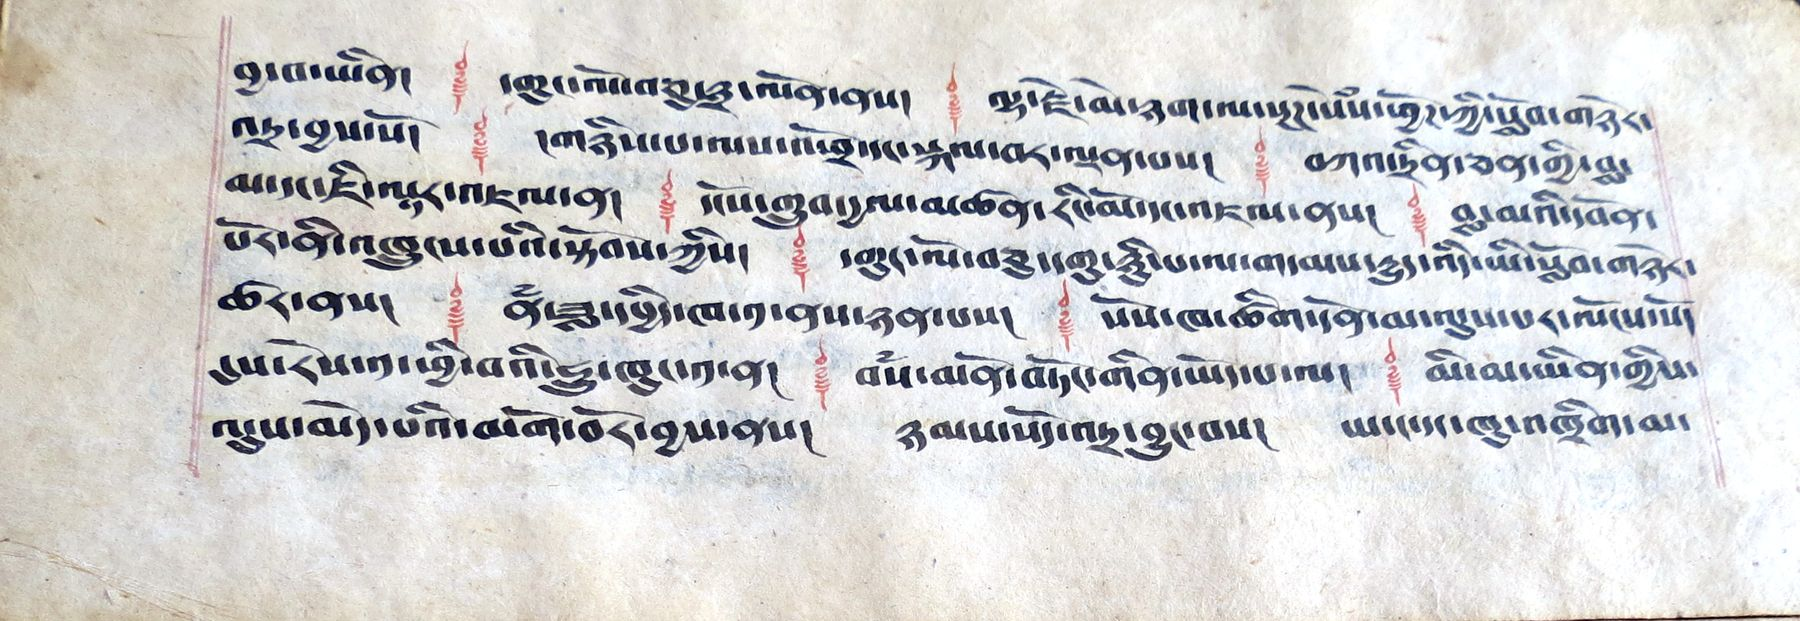བྱ་བ་ཡིན། དགུང་ལོ་བཅུ་གསུམ་ལོན་ནས་ལྷ་རྗེ་མེ་ཉག་ལ་སྔགས་སེམས་ཕྱོགས་ཀྱི་སློབ་གཉེར་
འདྲ་བྱས་སོ། ། གཉིས་པ་ལས་འཕྲོ་དང་སྐལ་པར་ལྡན་པས། བཀའ་དྲིན་ཅན་གྱི་བླ་
མ་དང་ཅི་ལྟར་མཇལ་ན། དངོས་གྲུབ་རྒྱལ་མཚན་རིང་མོ་དང་མཇལ་ནས། བླ་མའི་དབོན་
པོར་ནི་འཁྲུངས་པའི་སྟོབས་ཀྱིས། དགུང་ལོ་བཅུ་དགུ་ཉི་ཤུ་བ་ལ། གདམས་རྒྱུད་འདིའི་སློབ་གཉེར་
ཚར་ནས། ནམ་ཟླ་དཔྱིད་ཁ་ཞིག་ནས་ཉན་པས། སོས་ཁ་ཚིག་དོན་མ་ལུས་པར་ལོངས་སོ། ། 
དུས་རེས་ཞིག་ཕྱི་བའི་བྲུས་ཁུང་ཞིག་ན། བསམ་མནོ་གཏོང་གིན་ཡོད་པ་ལ། མི་མ་ཡིན་གྱིས་
ལུས་མེད་པའི་མགོ་བོར་བྱས་ནས། ཉམས་སོད་འདྲ་བྱུང་བས་ཡ་ང་དང་ཁུ་འཕྲིག་མ་